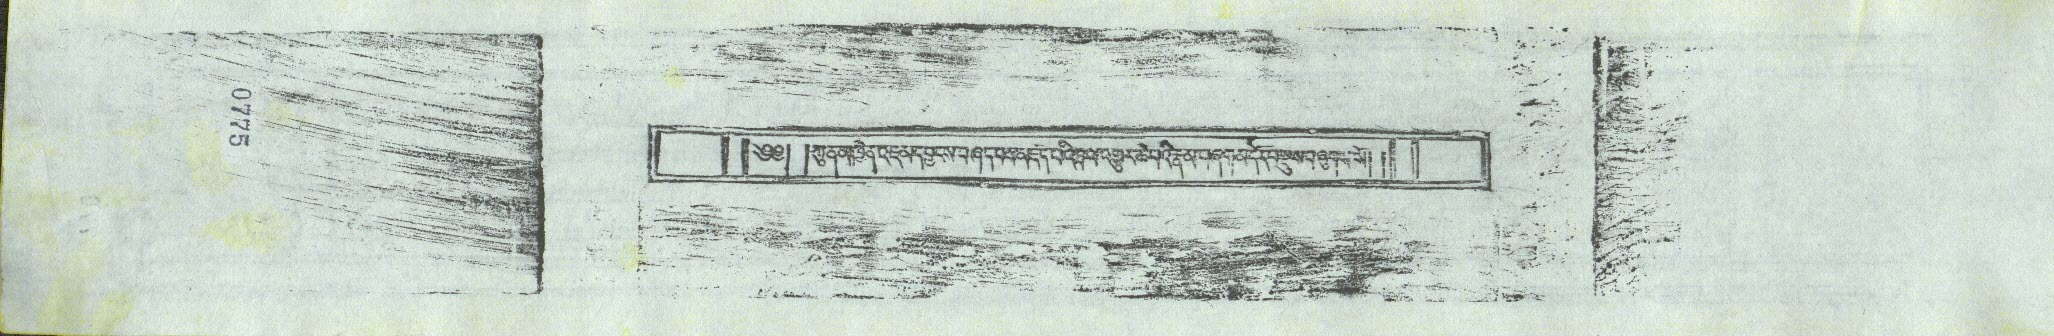༄༅། །ཀུན་མཁྱེན་འཇམ་དབྱངས་བཞད་པས་མཛད་པའི་ཐལ་འགྱུར་ཆེ་བའི་རྣམ་བཞག་མདོར་བསྡུས་བཞུགས་སོ། །